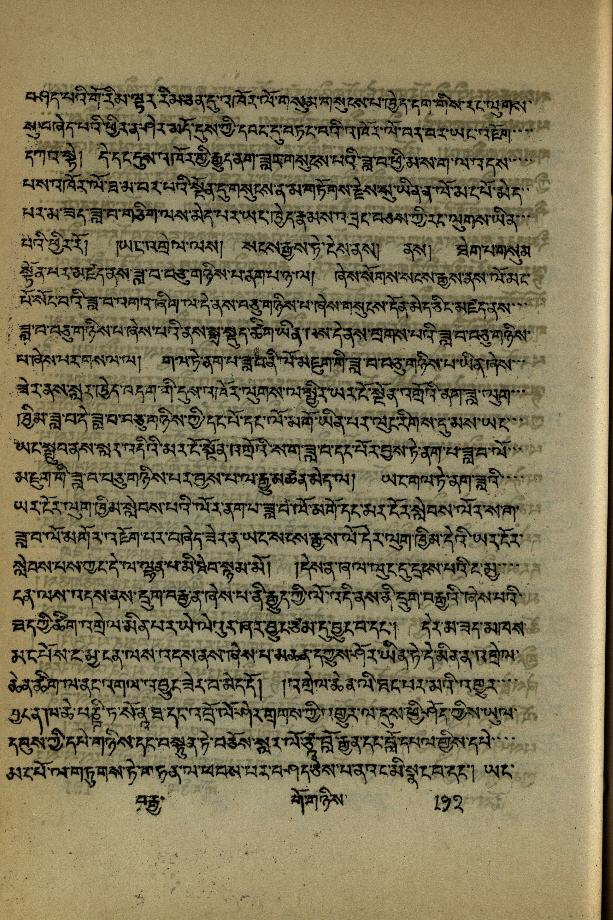བཤད་པའི་གོ་རིམ་ལྟར་རིམ་ཅན་དུ་འཁོར་ལོ་གསུམ་གསུངས་པ་ཁྱེད་དག་གིས་རང་ལུགས་
སུ་བཞེད་པའི་ཕྱིར་ན་ཤེར་མདོ་དུས་ཀྱི་དབང་དུ་བཏང་བའི་འཁོར་ལོ་བར་བར་ཡང་འཇོག་
དཀའ་སྟེ། དེ་དང་དུས་འཁོར་གྱི་རྒྱུད་ནག་ཟླར་གསུངས་པའི་ཟླ་བ་ཕྱི་མ་ས་ག་ལ་འདས་
པས་འཁོར་ལོ་ཐ་མ་བར་པའི་སྔོན་དུ་གསུངས་ན་མ་གཏོགས་རྗེས་སུ་ཡིན་ན་ལོ་མང་པོ་མེད་
པར་མ་ཟད་ཟླ་བ་གཅིག་ལས་མེད་པར་ཡང་ཁྱེད་རྣམས་འབྲང་བཅས་ཀྱི་རང་ལུགས་ཡིན་
པའི་ཕྱིར་རོ། །ཡང་འགྲེལ་ལས། སངས་རྒྱས་ཏེ་ངེས་ནས། ནས། ཐེག་པ་གསུམ་
སྟོན་པར་མཛད་ནས་ཟླ་བ་བཅུ་གཉིས་པ་ནག་པ་ཉ་ལ། ཞེས་སོགས་སངས་རྒྱས་ནས་ལོ་མང་
པོ་སོང་བའི་ཟླ་བ་འགའ་ཞིག་ལ་དེ་ནས་ཅུ་གཉིས་པ་ཞེས་གསུངས་དོན་མེད་ཅིང་མཛད་ནས་
ཟླ་བ་བཅུ་གཉིས་པ་ཞེས་པའི་ནས་སྒྲ་སྡུད་ཚིག་ཡིན་པས་དེ་ནས་གྲགས་པའི་ཟླ་བ་བཅུ་གཉིས་
པ་ཞེས་པར་གསལ་ལ། གལ་ཏེ་ནག་པ་ཟླ་བ་ནི་ལོ་མཇུག་གི་ཟླ་བ་བཅུ་གཉིས་པ་ཡིན་ཞེས་
ཟེར་ནས་སླར་ཁྱེད་འདག་གི་དུས་འཁོར་ལུགས་ལ་སྤྱིར་ཡང་ངོ་སྔོན་འགྲོའི་ནག་ཟླ་ལུག་
ཁྱིམ་ཟླ་བ་དེ་ཟླ་བ་བཅུ་གཉིས་ཀྱི་དང་པོ་དང་ལོ་མགོ་ཡིན་པར་ལུང་རིགས་དུ་མས་ཡང་
ཡང་སྒྲུབ་ནས་སླར་འདིའི་མར་ངོ་སྔོན་འགྲོའི་ས་ག་ཟླ་བ་དང་པོར་བྱས་ཏེ་ནག་པ་ཟླ་བ་ལོ་
མཇུག་གི་ཟླ་བ་བཅུ་གཉིས་པར་བྱས་པ་ལ་རྒྱུ་མཚན་མེད་ལ། ཡང་གལ་ཏེ་ནག་ཟླའི་
ཡར་ངོར་ལུག་ཁྱིམ་སླེབས་པའི་ལོར་ནག་པ་ཟླ་བ་ལོ་མགོ་དང་མར་ངོར་སླེབས་ལོར་ས་ག་
ཟླ་བ་ལོ་མགོར་འཇོག་པར་བཞེད་ཟེར་ན་ཡང་སངས་རྒྱས་ལོ་དེར་ལུག་ཁྱིམ་དེའི་ཡར་ངོར་
སླེབས་པས་ཀྱང་དེ་ལ་ལྷན་པ་མི་ཐེབ་སྙམ་མོ། །དེས་ན་ཞལ་ལུང་དུ་དྲངས་པའི་ང་མྱ་
ངན་ལས་འདས་ནས་དྲུག་བརྒྱ་ན་ཞེས་པ་ནི་རྒྱུད་ཀྱི་ལོ་འདི་ནས་ནི་དྲུག་བརྒྱའི་ཞེས་པའི་
ཐད་ཀྱི་ཚིག་འགྲེལ་མིན་པར་ཡེ་ལེའུར་ཞར་བྱུང་ཙམ་དུ་བྱུང་བ་དང་། དེར་མ་ཟད་མཁས་
མང་པོས་ང་མྱ་ངན་ལས་འདས་ནས་ཞེས་པ་མཆན་དཀྱུས་ཤོར་ཡིན་ཏེ་དེ་མིན་ན་འགྲེལ་
ཆེན་ཚིག་ལ་ནང་འགལ་འབྱུང་ཟེར་བ་མེད་དོ། །འགྲེལ་ཆེན་ལི་ཐང་པར་མའི་འགྱུར་
བྱང་ན་ཁ་ཆེ་པཎྜི་ཏ་སོ་ནཱ་ཐ་དང་འབྲོ་ལོ་ཤེར་གྲགས་ཀྱི་འགྱུར་ལ་དུས་ཕྱི་ཤོད་ཀྱིས་ཡུལ་
དབུས་ཀྱི་དཔེ་གཉིས་དང་བསྟུན་ཏེ་བཅོས་སླར་ལོ་ཙཱ་བློ་རྒྱན་དང་བློ་དཔལ་གྱིས་དཔེ་
མང་པོ་ལ་གཏུགས་ཏེ་གཏན་ལ་ཕབས་པར་བཤད་ཅེས་པ་ནའང་མི་སྣང་བ་དང་། ཡང་